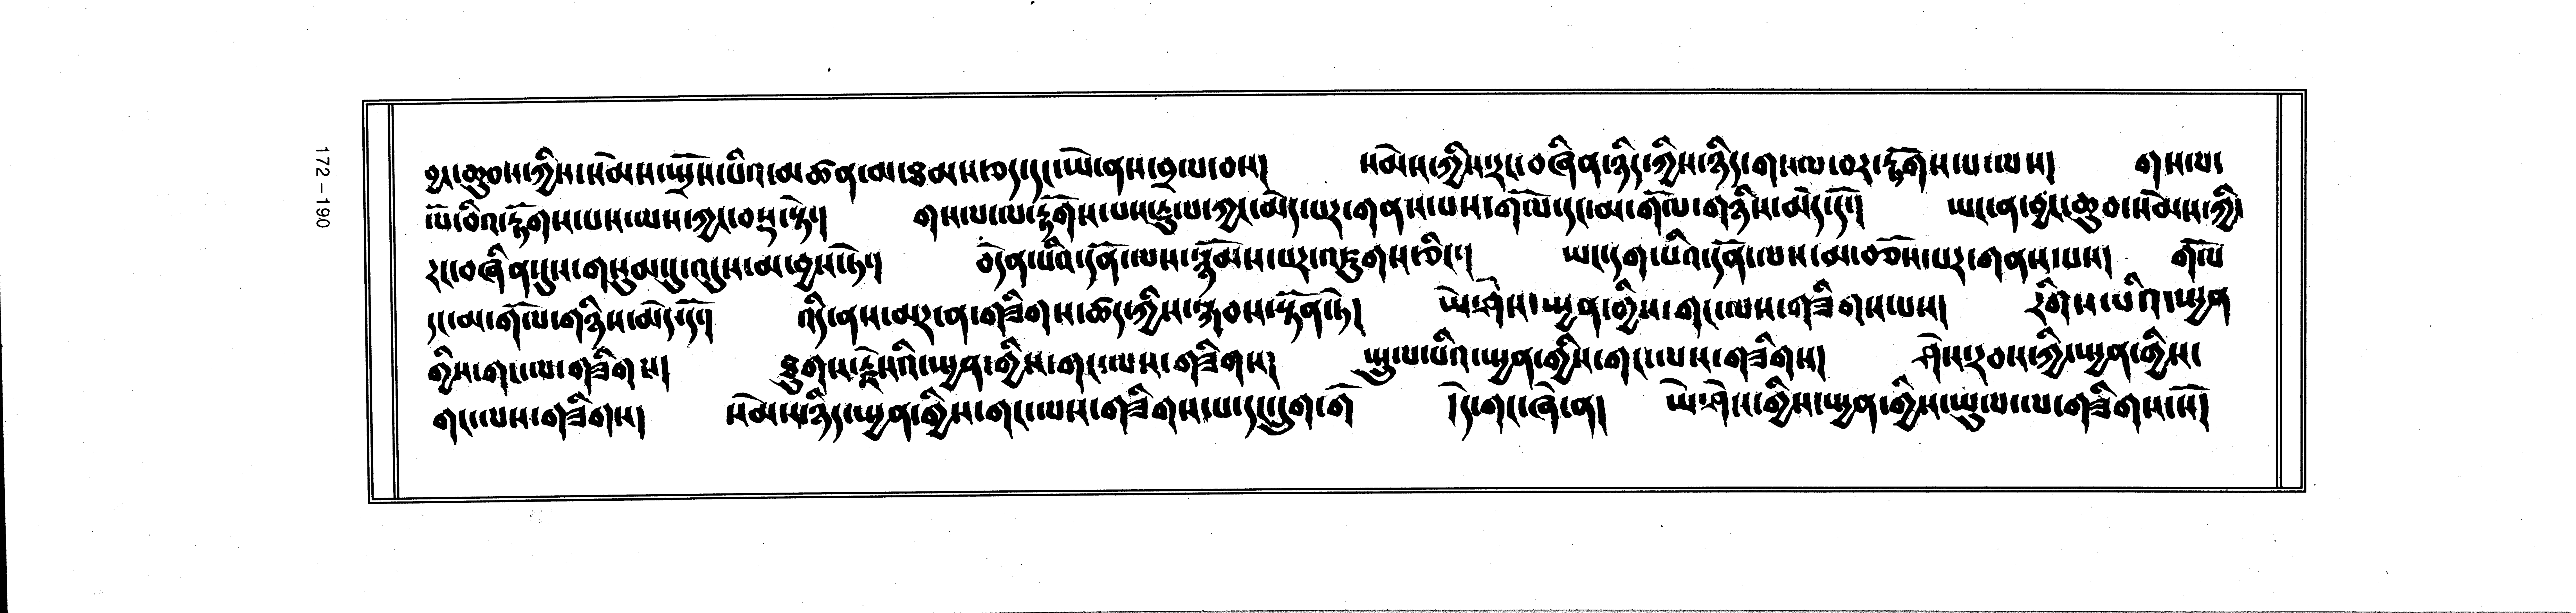བྱང་ཆུབ་ཀྱིས་སེམས་སྤྲོས་པའི་མཚན་མ་ཐམས་ཅད་དང་ཡེ་ནས་བྲལ་བས། སེམས་ཀྱིས་རང་བཞིན་ཉིད་ཀྱིས་ཉིད་གསལ་བར་རྟོགས་པ་ལས། གསལ་
ལོ་བའི་རྟོགས་པས་ལས་ཀྱང་གདའ་སྟེ། གསལ་ལ་རྟོགས་པས་རྡུལ་ཀྱང་མེད་པར་གནས་པའི་གོལ་དང་མ་གོལ་གཉིས་མེད་དོ། ཡང་ན་བྱང་ཆུབ་སེམས་ཀྱི་
རང་བཞིན་དུས་གསུམ་དུ་འདུས་མ་བྱས་ཏེ། བདེན་པའི་དོན་ལས་སྙོམས་པར་འཇུགས་ཅིང་། ཡང་དག་པའི་དོན་ལས་མ་བཅོས་པར་གནས་པས། གོལ་
དང་མ་གོལ་གཉིས་མེད་དོ། འདི་ནས་མར་ན་གཟིགས་ཚད་ཀྱིས་སྐབས་སྟོན་ཏེ། ཡེ་ཤེས་སྤྱན་གྱིས་གང་ལས་གཟིགས་པས། རིག་པའི་སྤྱན་
གྱིས་གང་ལ་གཟིགས། ཐུགས་རྗེས་པའི་སྤྱན་གྱིས་གང་ལས་གཟིགས། སྤྲུལ་པའི་སྤྱན་གྱིས་གང་ལས་གཟིགས། ཤེས་རབ་ཀྱི་སྤྱན་གྱིས་
གང་ལས་གཟིགས། སེམས་ཉིད་སྤྱན་གྱིས་གང་ལས་གཟིགས་པ་དང་དྲུག་གོ། དེ་གང་ཞེ་ན། ཡེ་ཤེས་གྱི་སྤྱན་གྱིས་ཡུལ་ལ་གཟིགས་སྭོ།